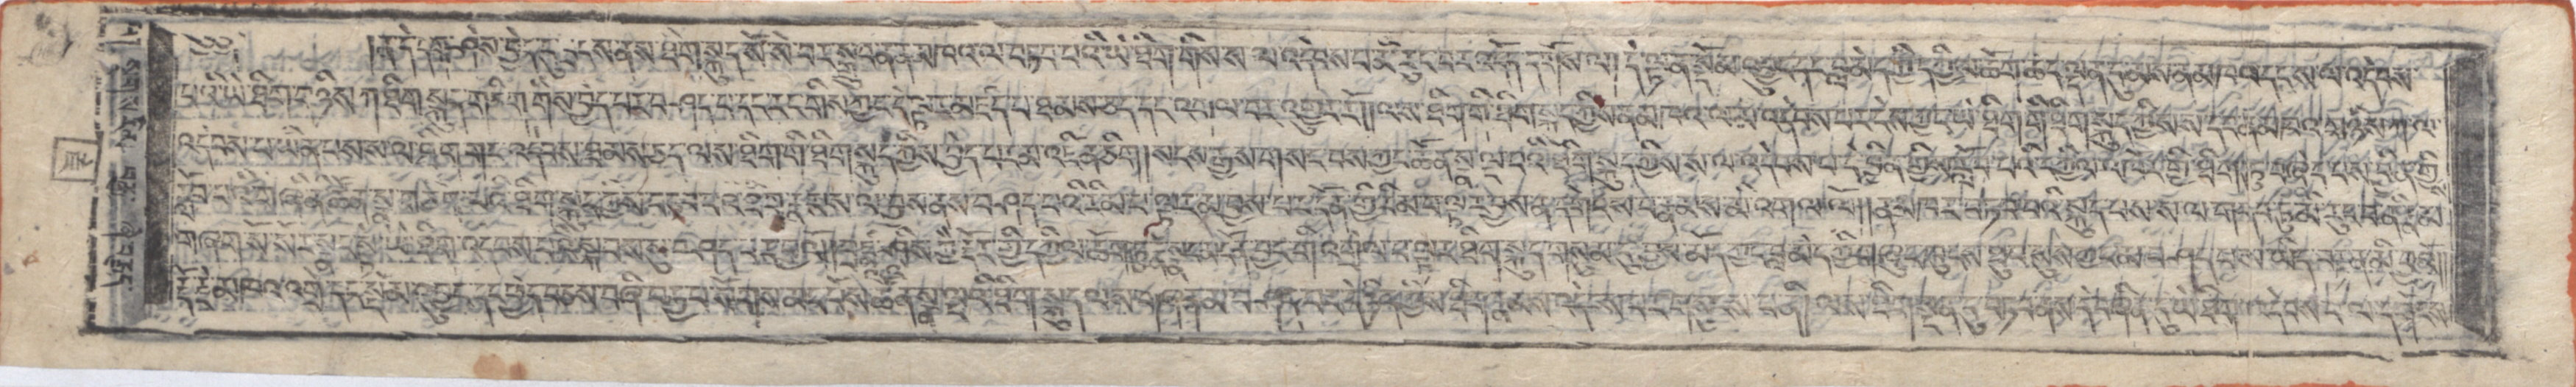༄༅། །ན་དེ་དག་ཤེས་བྱེད་དུ་དྲངས་ནས་ཐིག་སྐུད་སོ་སོ་བར་སྒྲུབ་ན་ནམ་མཁའ་ལ་བཏབ་པའི་ཡེ་ཐིག་གིས་ས་ལ་འདེབས་པ་མི་རུང་བར་འདོད་དགོས་ལ། དེ་ལྟ་ན་སྡོམ་འབྱུང་དང་བླ་མེད་ཀྱི་དཀྱིལ་ཆོག་ཚད་ལྡན་དུ་མས་ནམ་མཁའ་དང་ས་ལ་འདེབས་
པའི་ཡེ་ཐིག་གཉིས་ཀ་ཐིག་སྐུད་གཅིག་གིས་བྱེད་པར་བཤད་པ་དང་རང་གིས་ཀྱང་དེ་ལྟར་མཛད་པ་ཐམས་ཅད་དང་འགལ་བར་འགྱུར་རོ། །ལས་ཐིག་གི་ཐིག་སྐུད་ཀྱིས་ནམ་མཁའ་ལ་མི་འདེབས་པར་ངེས་ཀྱང་ཡེ་ཐིག་གི་ཐིག་སྐུད་ཀྱིས་ས་དང་ནམ་མཁའ་གཉིས་ཀ་ལ་
འདེབས་པ་ཡིན་པས་ས་ལ་ཐིག་གང་འདེབས་ཐམས་ཅད་ལས་ཐིག་གི་ཐིག་སྐུད་ཀྱིས་བྱེད་པར་མ་འཛིན་ཅིག །སངས་རྒྱས་གསང་བས་ཀྱང་ཚོན་སྣ་ལྔ་པའི་ཐིག་སྐུད་ཀྱིས་ས་ལ་འདེབས་པ་དེ་བྱིན་གྱིས་རློབ་པའི་དཀྱིལ་འཁོར་གྱི་ཐིག་ཏུ་བཞེད་པས་བྱིན་གྱིས་
རློབ་པའི་གཞི་ནི་ཚོན་སྣ་གཅིག་པའི་ཐིག་སྐུད་ཀྱིས་བཏབ་པའི་ཐིག་རྣམས་ལ་བྱས་ནས་བཤད་པའི་རིམ་པ་ལྟར་མ་བྱས་པར་དོན་གྱི་རིམ་པ་ལྟར་བྱས་ན་དགོངས་པ་རྣམས་མི་འགལ་ལོ། །ནམ་མཁར་བཏབ་པའི་སྐུད་པས་ས་ལ་གདབ་ཏུ་མི་རུང་བ་ནི་རྣམ་
གཞག་སོ་སོར་སྣང་སྟེ་ཡེ་ཐིག་འདེབས་པའི་སྐབས་སུ་བཤད་པར་བྱའོ། །པྲཛྙཱ་ཤྲཱིས་ཀྱཻ་རྡོར་གྱི་དཀྱིལ་ཆོག་ཏུ་རྣཾ་སྣང་མངོན་བྱང་གི་འགྲེལ་པ་ལྟར་ཐིག་སྐུད་གསུམ་དུ་བྱས་མོད་ཀྱང་བླ་མེད་ཀྱི་གཞུང་ཁུངས་ཐུབ་སུས་ཀྱང་མ་བཤད་པས་ཡིད་བརྟན་མི་བྱའོ།།
རྡོ་རྗེ་མཁའ་འགྲོ་དང་སྡོམ་འབྱུང་དང་བྱེད་བཅས་བཞི་བརྒྱ་པ་སོགས་མང་པོས་ཚོན་སྣ་ལྔའི་ཐིག་སྐུད་ལས་གཞན་མ་བཤད་པར་དེ་ཉིད་ཀྱིས་ཐིག་རྣམས་འདེབས་པར་གསུངས་པ་ནི། ལས་ཐིག་སྔོན་དུ་བཏབ་ནས་དེ་བཞིན་དུ་ཡེ་ཐིག་འདེབས་པ་ལ་དགོངས་